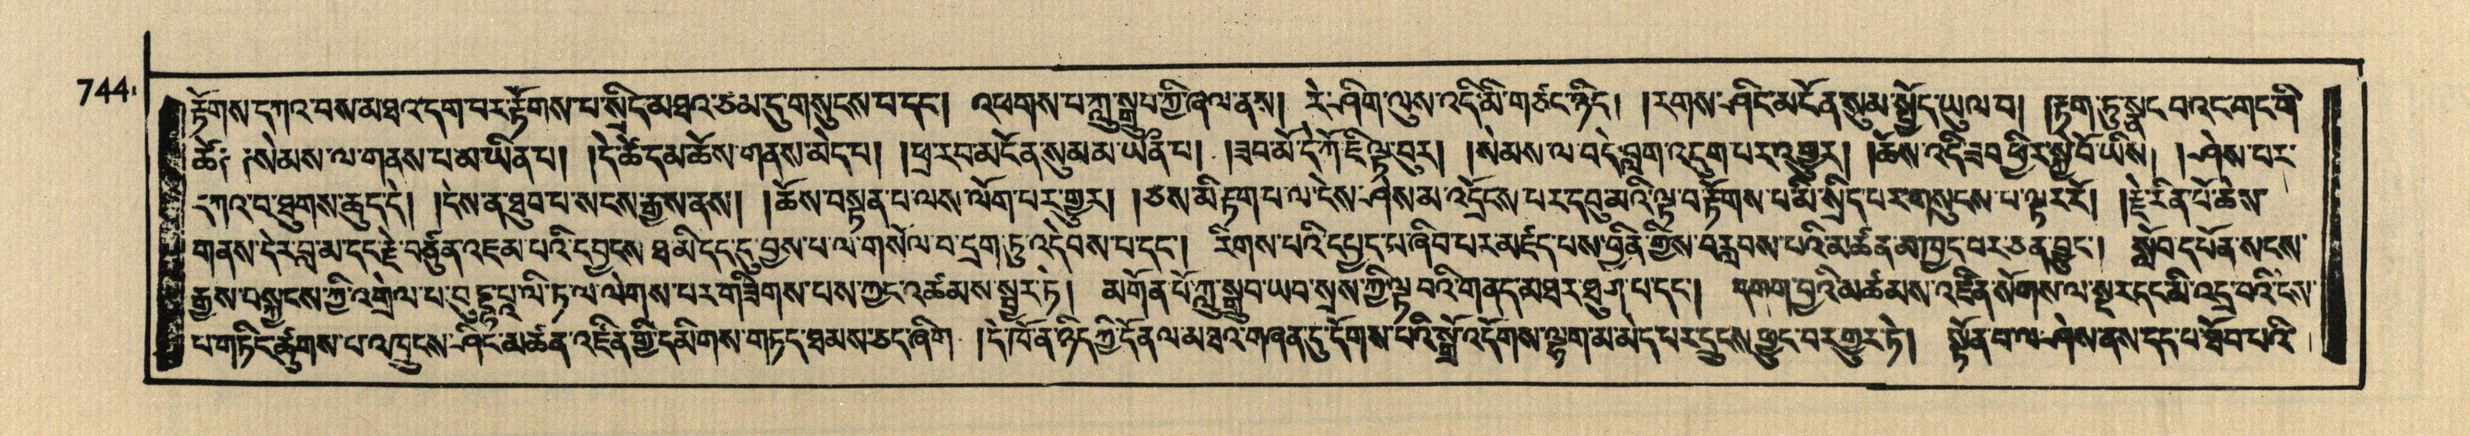རྟོགས་དཀའ་བས་མཐའ་དག་བར་རྟོགས་པ་སྲིད་མཐའ་ཙམ་དུ་གསུངས་བ་དང་། འཕགས་པ་ཀླུ་སྒྲུབ་ཀྱི་ཞལ་ནས། རེ་ཤིག་ལུས་འདི་མི་གཙང་ཉིད། །རགས་ཤིང་མངོན་སུམ་སྤྱོད་ཡུལ་བ། །རྟག་ཏུ་སྣང་བའང་གང་གི་
ཚེ༑ ༑སེམས་ལ་གནས་པ་མ་ཡིན་པ། །དེ་ཚེ་དམ་ཆོས་གནས་མེད་པ། །ཕྲ་རབ་མངོན་སུམ་མ་ཡིན་པ། །ཟབ་མོ་དེ་ཀོ་ཇི་ལྟ་བུར། །སེམས་ལ་བདེ་བླག་འཇུག་པར་འགྱུར། །ཆོས་འདི་ཟབ་ཕྱིར་སྐྱེ་བོ་ཡིས། །ཤེས་པར་
དཀའ་བ་ཐུགས་ཆུད་དེ། །དེས་ན་ཐུབ་པ་སངས་རྒྱས་ནས། །ཆོས་བསྟན་པ་ལས་ལོག་པར་གྱུར། །ཅས་མི་རྟག་པ་ལ་ངེས་ཤེས་མ་འདྲོངས་པར་དབུ་མའི་ལྟ་བ་རྟོགས་པ་མི་སྲིད་པར་གསུངས་པ་ལྟར་རོ། །རྗེ་རིན་པོ་ཆེས་
གནས་དེར་བླ་མ་དང་རྗེ་བཙུན་འཇམ་པའི་དབྱངས་ཐ་མི་དང་དུ་བྱས་པ་ལ་གསོལ་བ་དྲག་ཏུ་འདེབས་པ་དང་། རིགས་པའི་དཔྱད་པ་ཞིབ་པར་མཛད་པས་བྱིན་གྱིས་བརླབས་པའི་མཚན་མ་ཁྱད་པར་ཅན་བྱུང་། སློབ་དཔོན་སངས་
རྒྱས་བསྐྱངས་ཀྱི་འགྲེལ་པ་བུདྡྷ་པཱ་ལི་ཏ་ལ་ལེགས་པར་གཟིགས་པས་ཀྱང་འཚམས་སྦྱར་ཏེ། མགོན་པོ་ཀླུ་སྒྲུབ་ཡབ་སྲས་ཀྱི་ལྟ་བའི་གནད་མཐར་ཐུག་པ་དང་། དགག་བྱའི་མཚམས་འཛིན་སོགས་ལ་སྔར་དང་མི་འདྲ་བའི་ངེས་
པ་གཏིང་ཚུགས་པ་འཁྲུངས་ཤིང་མཚན་འཛིན་གྱི་དམིགས་གཏད་ཐམས་ཅད་ཞིག །དེ་ཁོ་ན་ཉིད་ཀྱི་དོན་ལ་མཐའ་གཞན་དུ་དོགས་པའི་སྒྲོ་འདོགས་ལྷག་མ་མེད་པར་དྲུངས་ཕྱུང་བར་གྱུར་ཏེ། སྟོན་བ་ལ་ཤེས་ནས་དད་པ་ཐོབ་པའི་